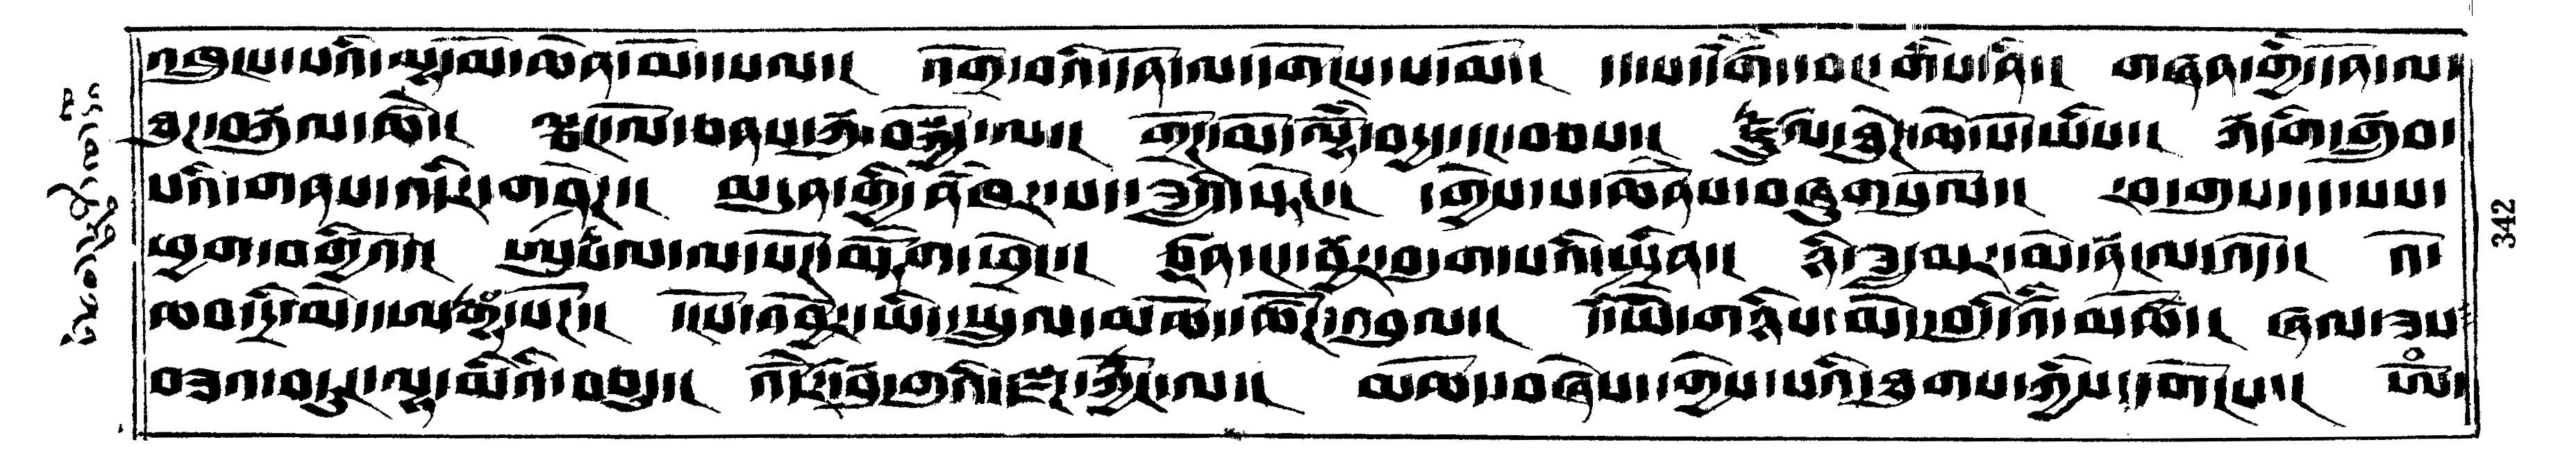།འཁྲུངས་པའི་ལྷ་མོ་ཆེན་མོ་དཔལ། །འགྲོ་བའི་དོན་ལ་དགོངས་པ་མོ། །དད་པ་དམ་ཚིག་དབང་གིས་ནི། །གཞན་གྱི་དོན་ལ་
ཐུགས་བསྐུལ་ཚེ། །ལྕང་ལོ་ཅན་ནས་སྐུ་བསྐྱོད་ལ། །གྲོགས་མོ་ལྷ་མོ་བརྒྱད་དང་བཅས། །རྫུ་འཕྲུལ་ཐུགས་རྗེ་ཆེ་པོ་ཡིས། །སྐད་ཅིག་སྒྲུབ་
པའི་གནས་འདིར་གཤེགས། །མདུན་གྱི་ནམ་མཁར་པད་ཟླའི་སྟེང་། །དགྱེས་པ་ཆེན་པོས་བཞུགས་སུ་གསོལ། །རབ་གུས་དད་པས་
ཕྱག་བགྱིའོ། །ཨུཏྤལ་ལ་སོགས་མེ་ཏོག་ཕྲེང་། །ཙནྡན་དང་སྦྱར་བདུག་པའི་སྤྲིན། །ཉི་ཟླ་མར་མེ་སྣང་གསལ་འོད། །འོ་
ཆབ་དྲི་མེད་ཨརྒྷཾ་སོགས། །དངོས་འབྱོར་ཡིད་སྤྲུལ་མཆོད་ཚོགས་འབུལ། །དམ་ཡེ་གཉིས་མེད་བདུད་རྩིའི་མཚོ། །ཞལ་ཟས་
བཟའ་བཏུང་ལྷ་མིའི་བཅུད། །འོད་ཟེར་སྦུ་གུའི་ལྗགས་སྐྱོང་ལ། །མཆོད་བཞེས་དགྱེས་པའི་ཐུགས་ཀྱིས་དགོངས། །ཨོཾ་